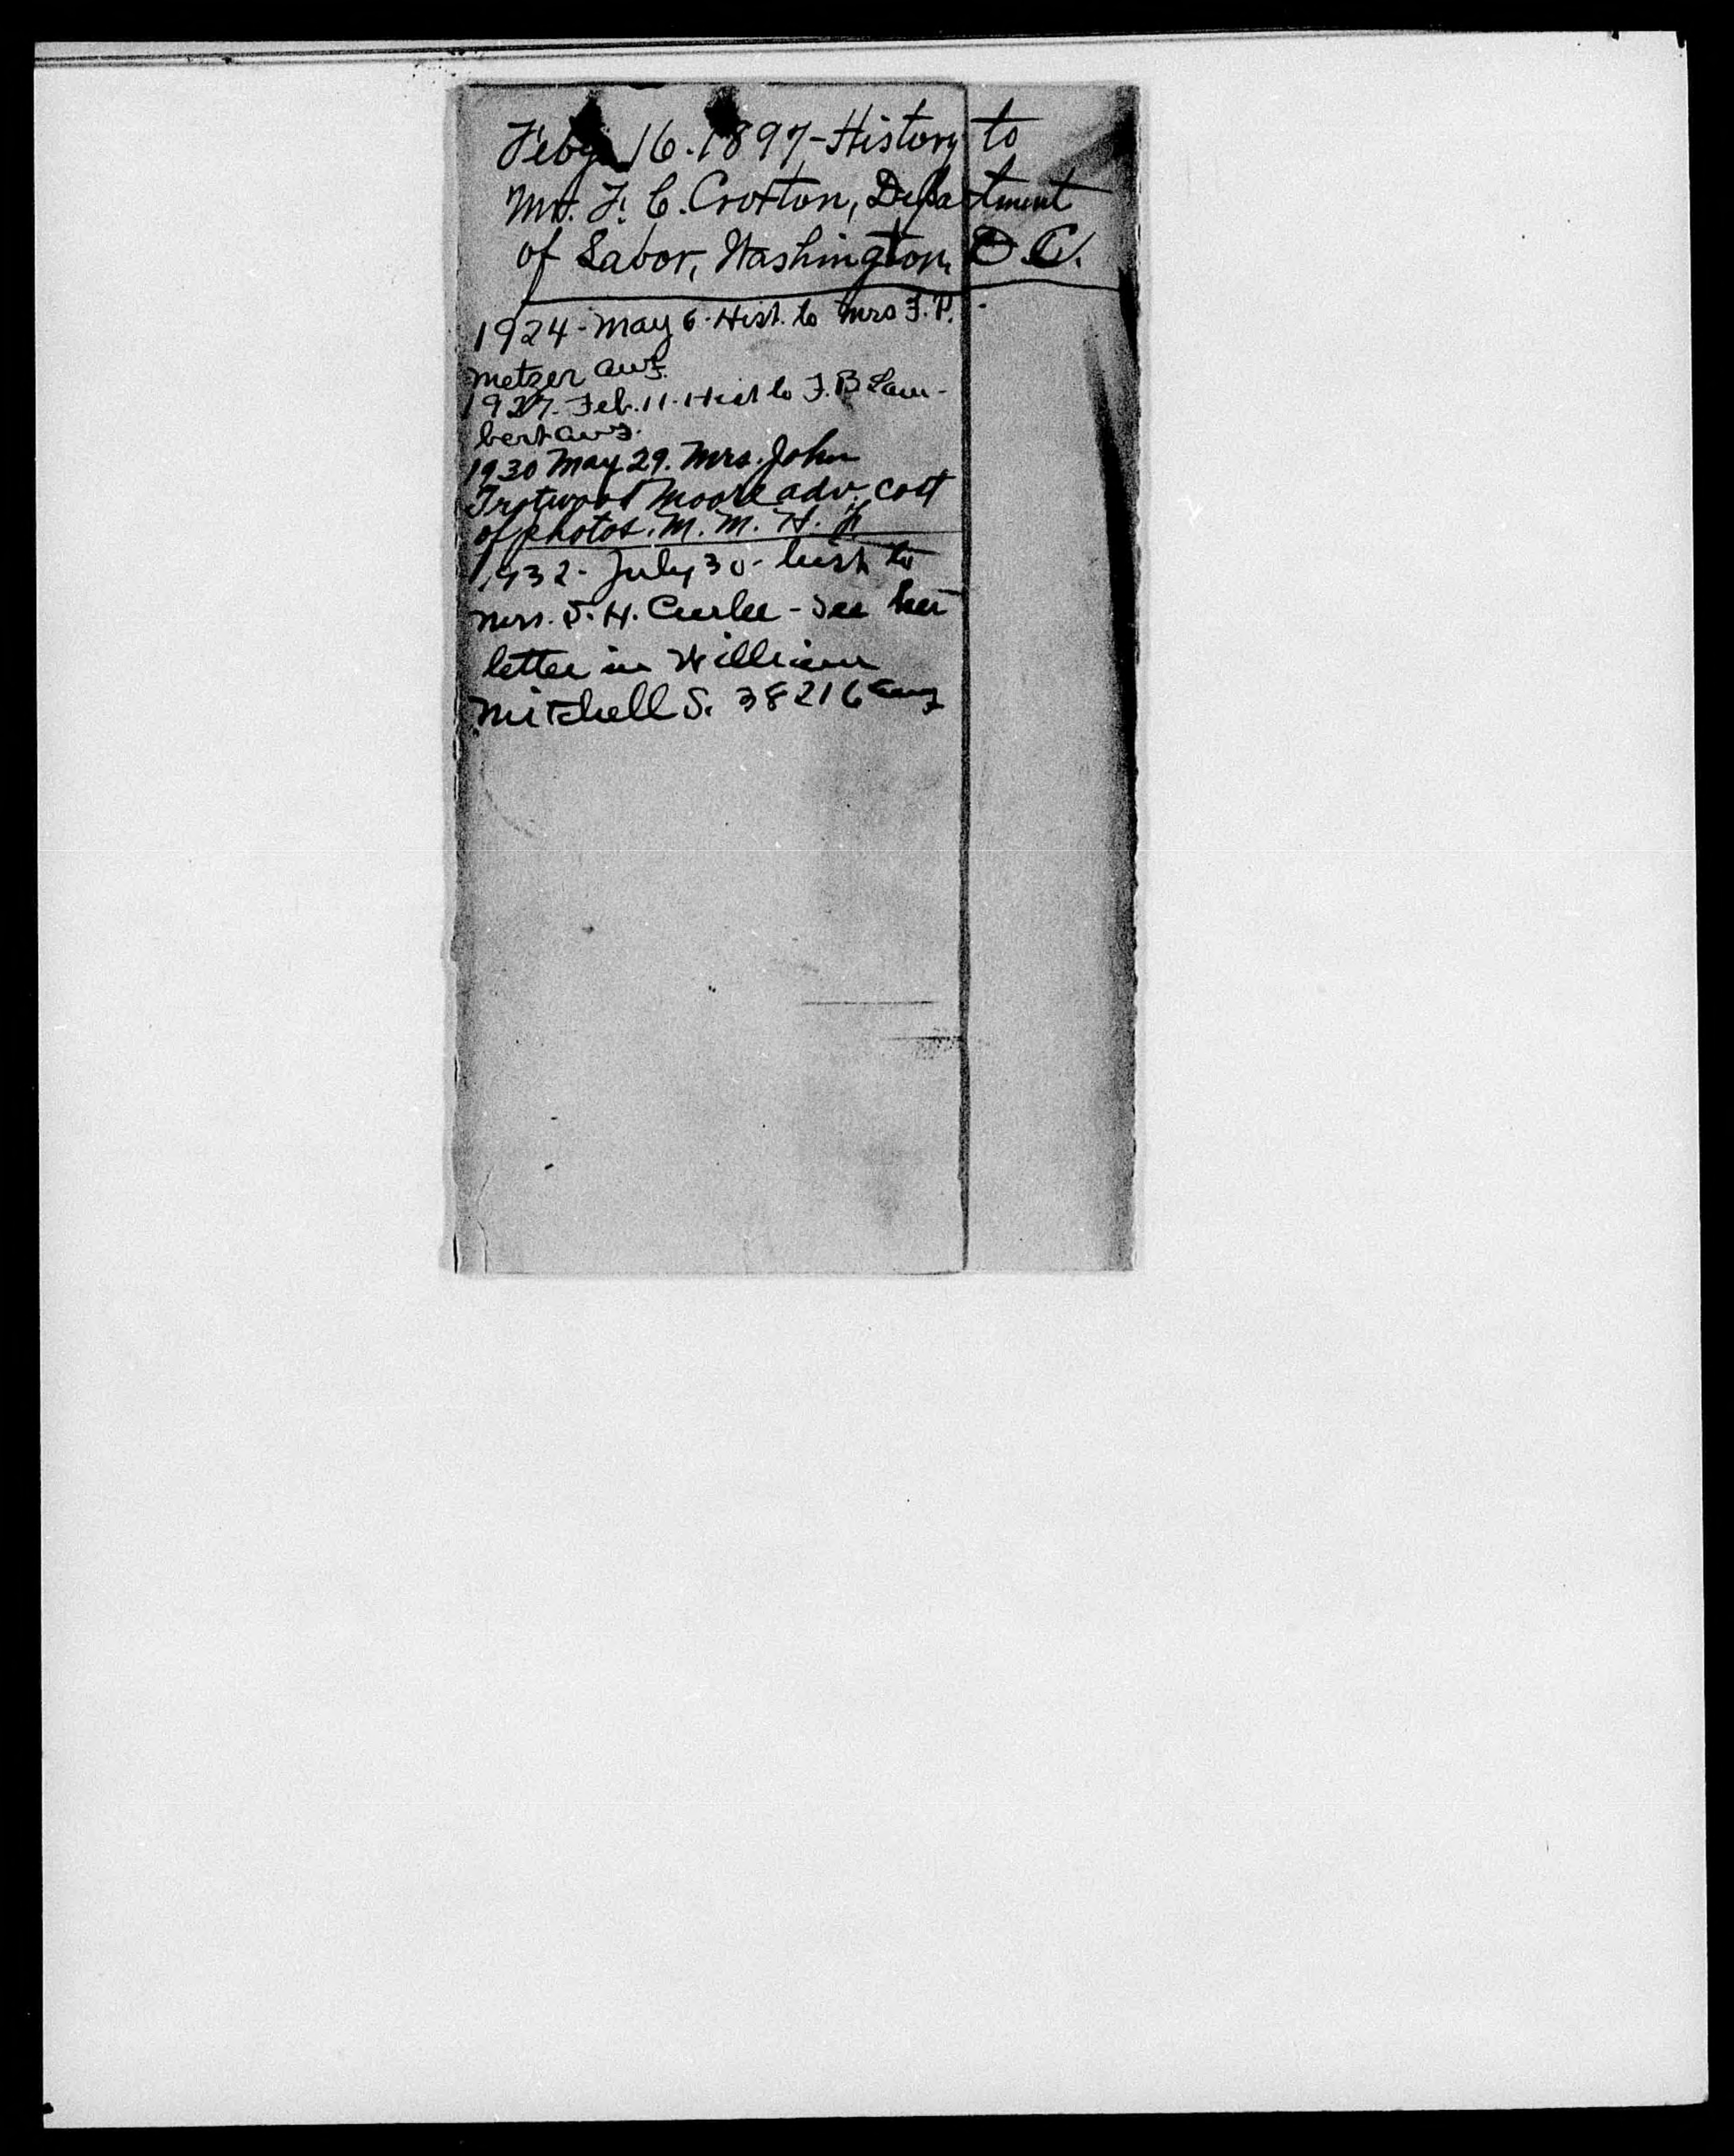Feb 16.1897 - History to Mr. F.C Croxton, Department of Labor, Washington D.C. 

1924 -May 6 Hist. to Mrs. F. P Metzer

1927 -Feb 11 Hist. to F.B Lambert

1930 May 29 Mrs. John Trotwood Moore adv. cost of photos. M. M.H. J

1932 - July 30- to Mrs. J. H. Curlee- see her letter ie William Mitchell S. 38216 Exp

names: William Mitchell, S H Curlee, F B Lambert, John Trotwood, F P Metzer, F C Croxton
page: 19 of 36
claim: survivor's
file: S. 39570, James Gillingwater, Va.